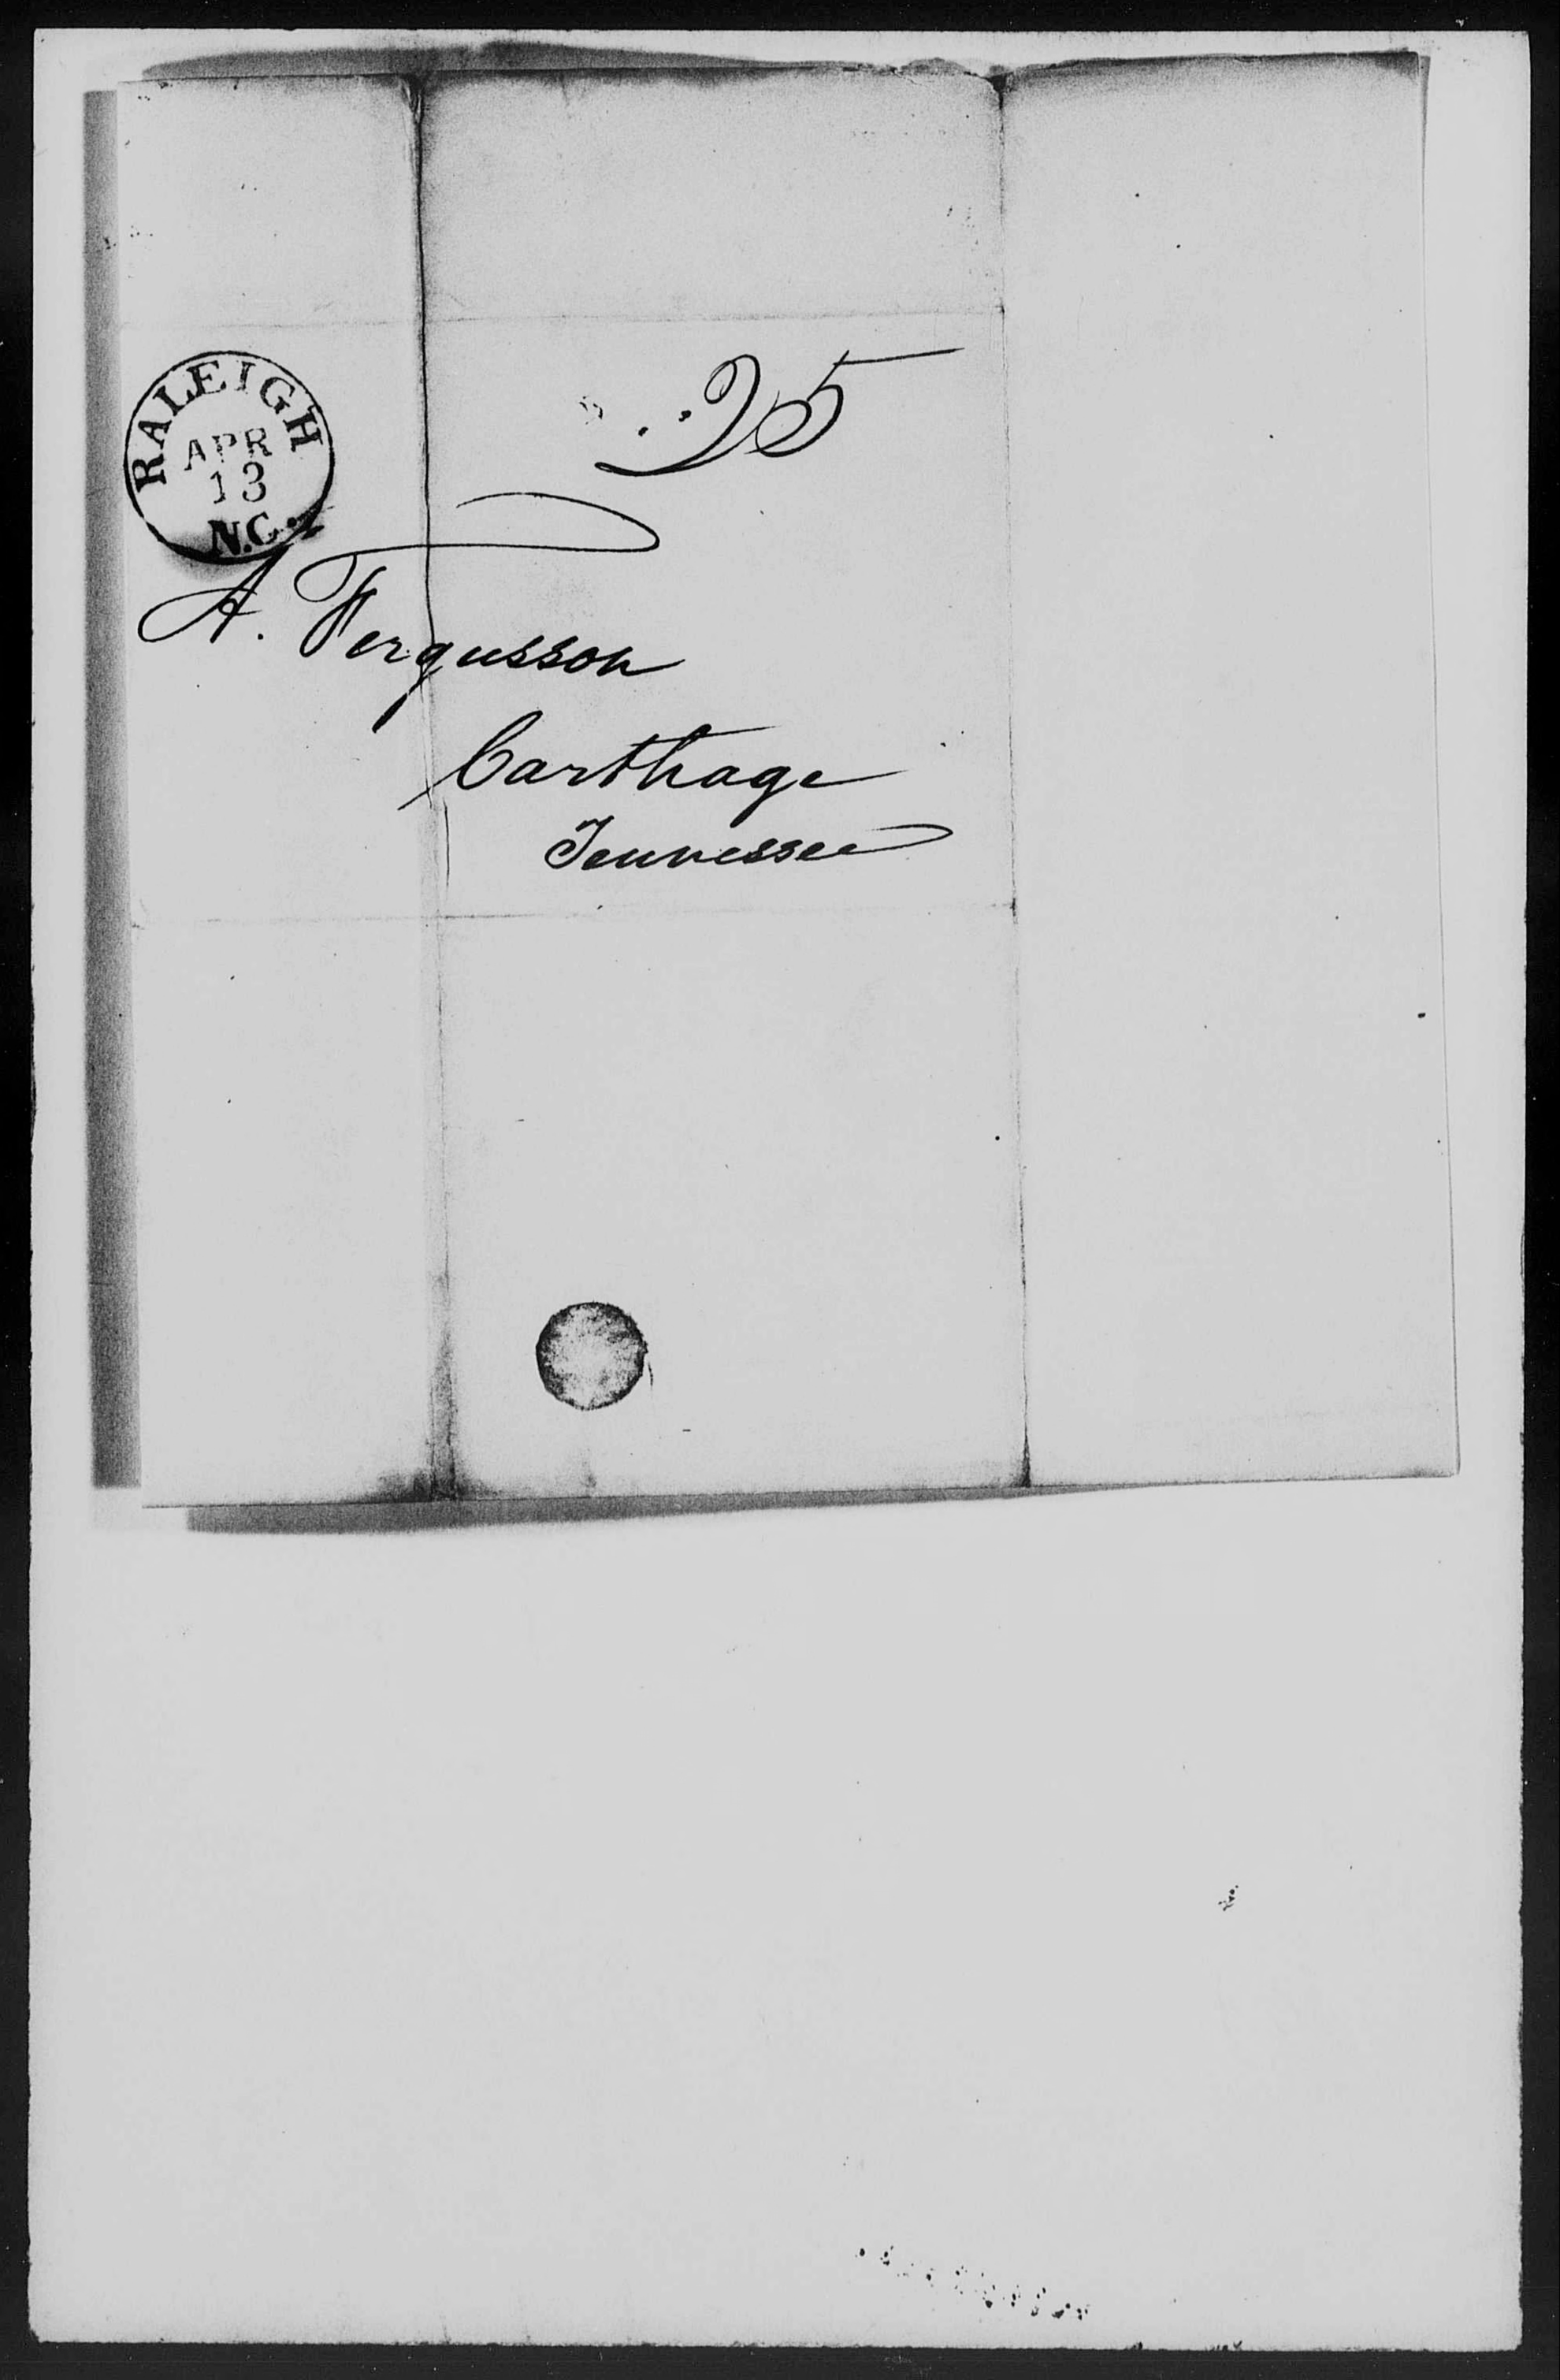[ round stamp] Raleigh Apr 13 NC
A.	Ferguson
Carthage
TennesseE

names: A Fergusson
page: 35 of 62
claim: widow's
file: W 7005, Frederick Debow, N.C.